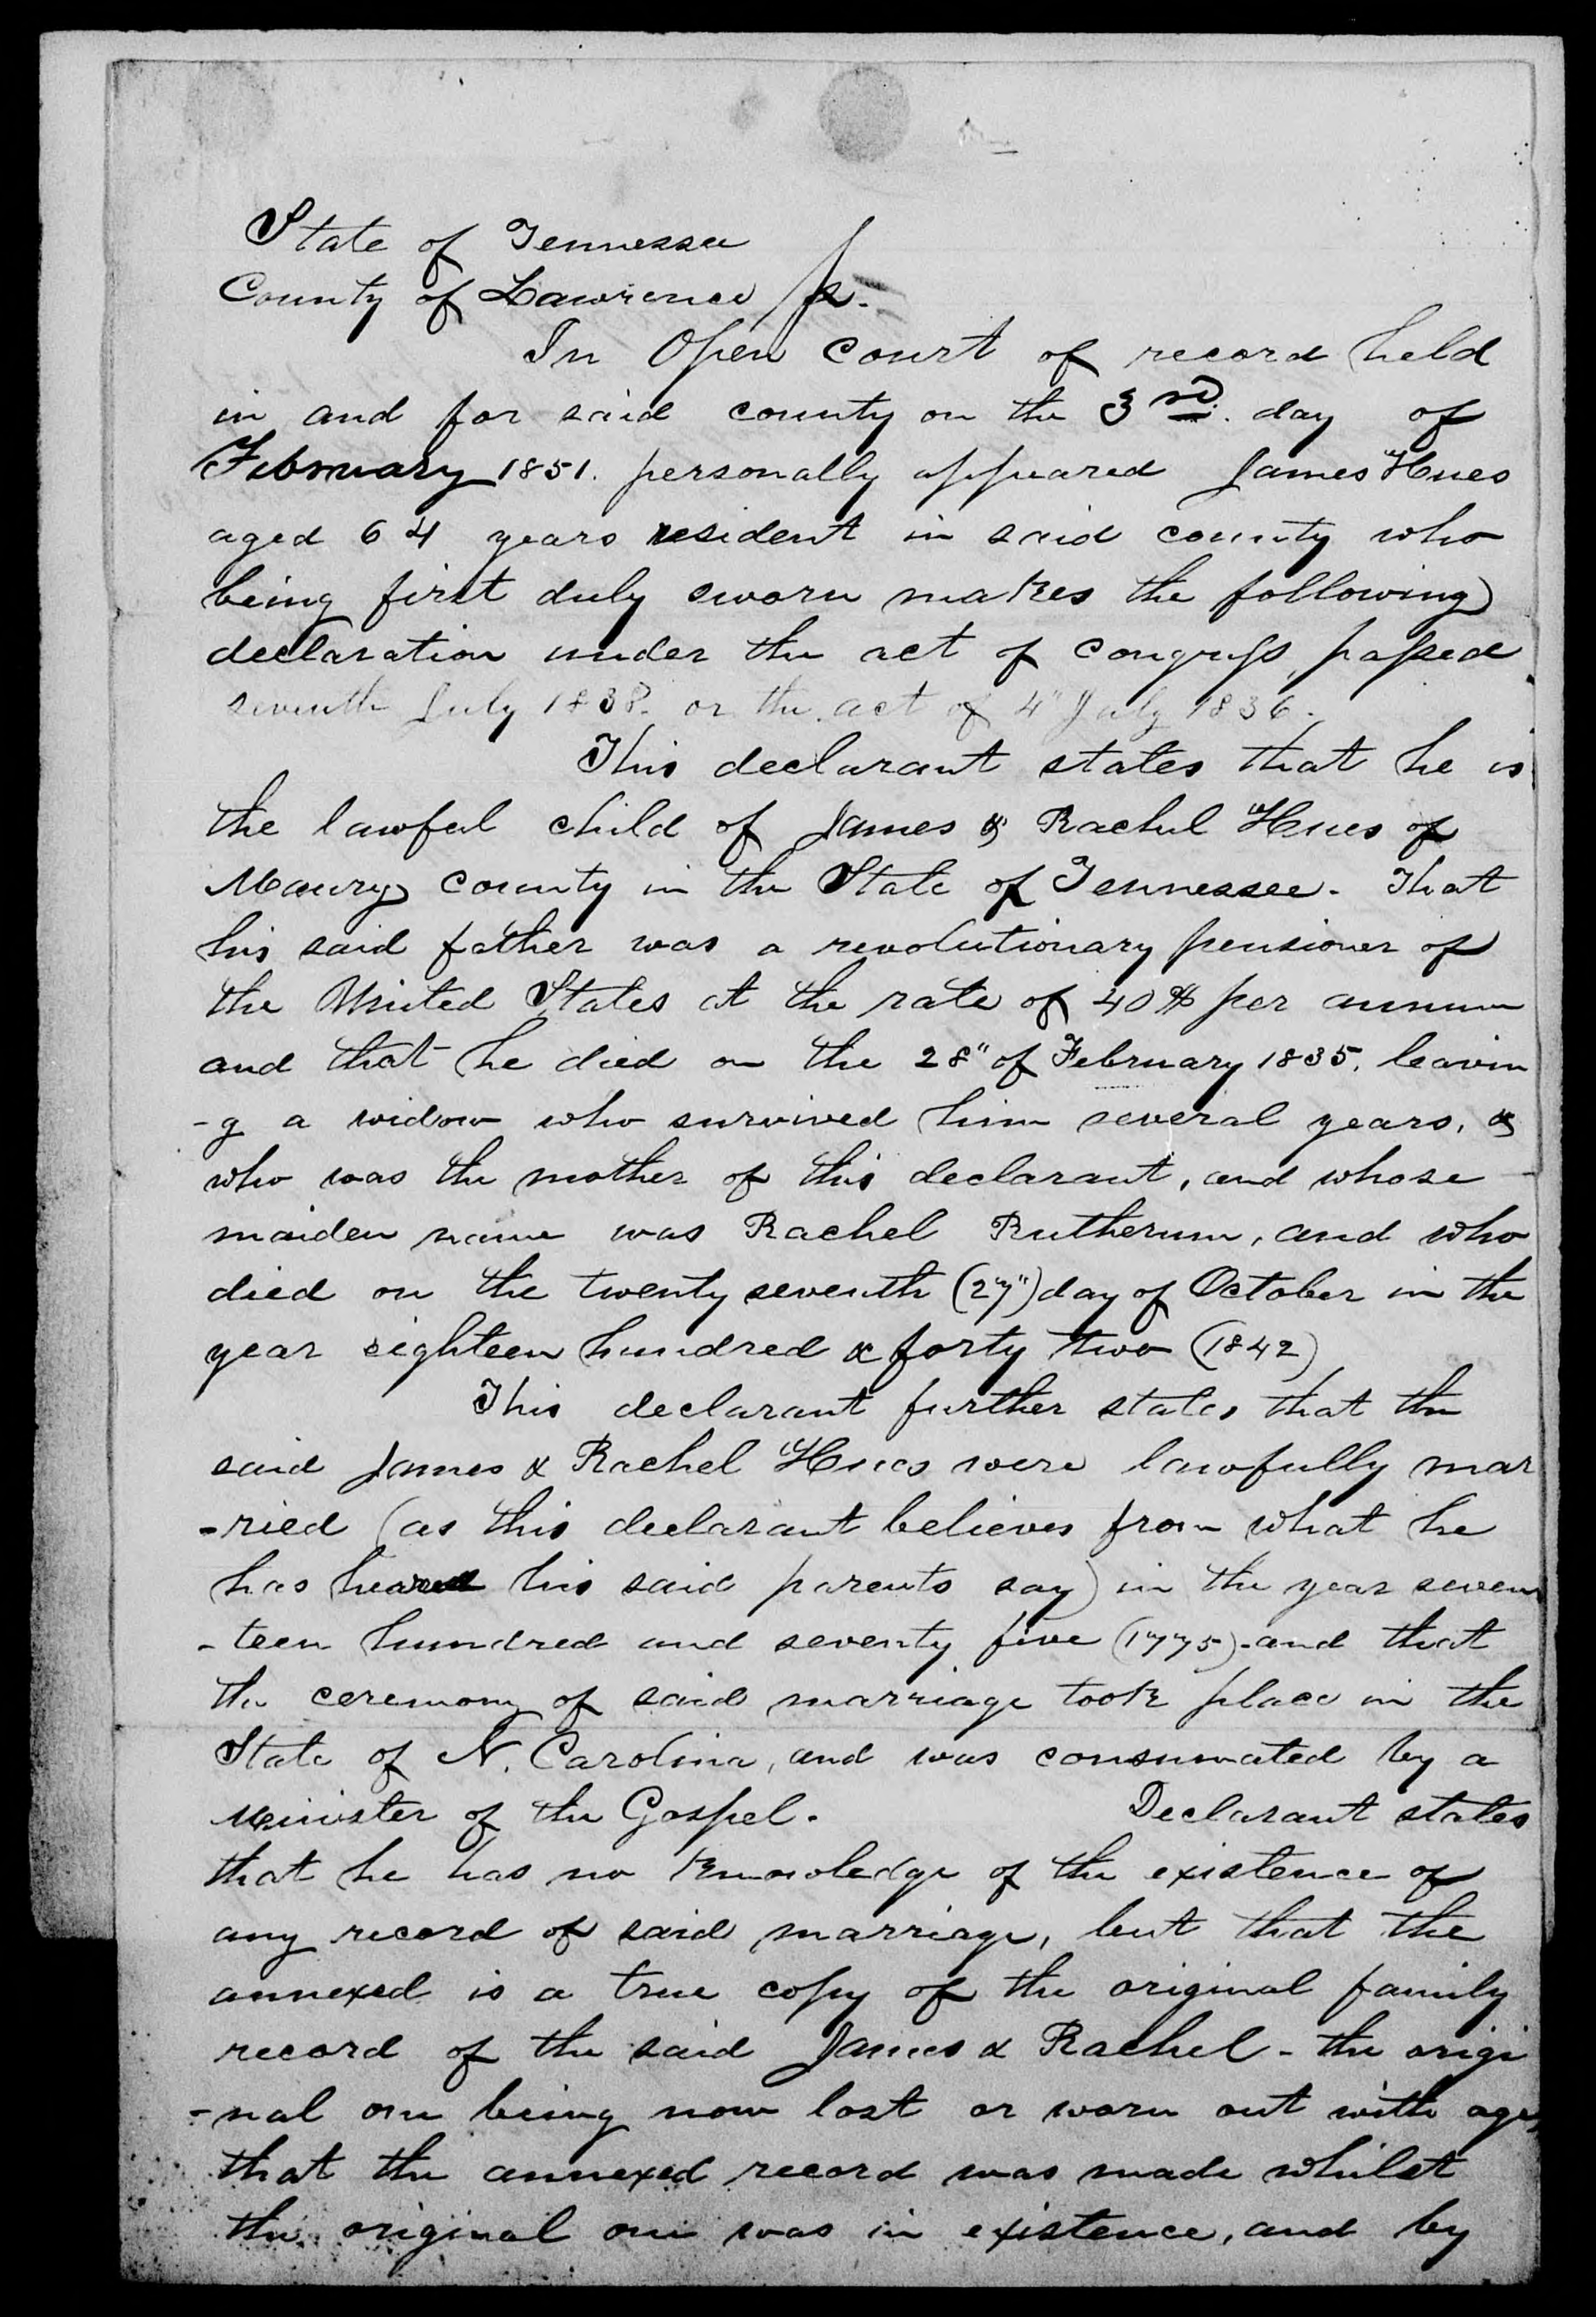State of Tennessee
County of Lawrence} SS
In Open Court of record held in and for said county on the 3rd day of February 1851 personally appeared James Hues age 64 years resident in said county who 
being first duly sworn makes the following declaration under the act of congress passed seventh July 1838 or the act of 4" July 1836.

This declarant states that he is the lawful child of James & Rachel Hues of Maury County in the State of Tennessee.  That his said father was a revolutionary pensioner of the United States at the rate of 40$ per annum and that he died on the 28" of February 1835, leaving a widow who survived him several years, & who was the mother of this declarant, and whose maiden name was Rachel Rutherum, and who
died on the twenty seventh (27") day of October in the year eighteen hundred & forty two (1842)

This declarant further states that the said James & Rachel Hues were lawfully married
(as this declarant believes from what he has heard his said parents say) in the year seventeen hundred and seventy five (1775) and that the ceremony of said marriage took place in the state of N. Carolina, and was consumated by a Minister of the Gospel.   Declarant states that he has no knowledge of the existence of  any record of said marriage, but that the annexed is a true copy of the original family record of the said James & Rachel - the original one being now lost or worn out with age that the annexed record was made whilst the original one was in existence, and by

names: James Hues, Rachel Hues, Rachel Rutherum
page: 3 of 24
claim: rejected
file: R. 5342, James Hues, N.C.